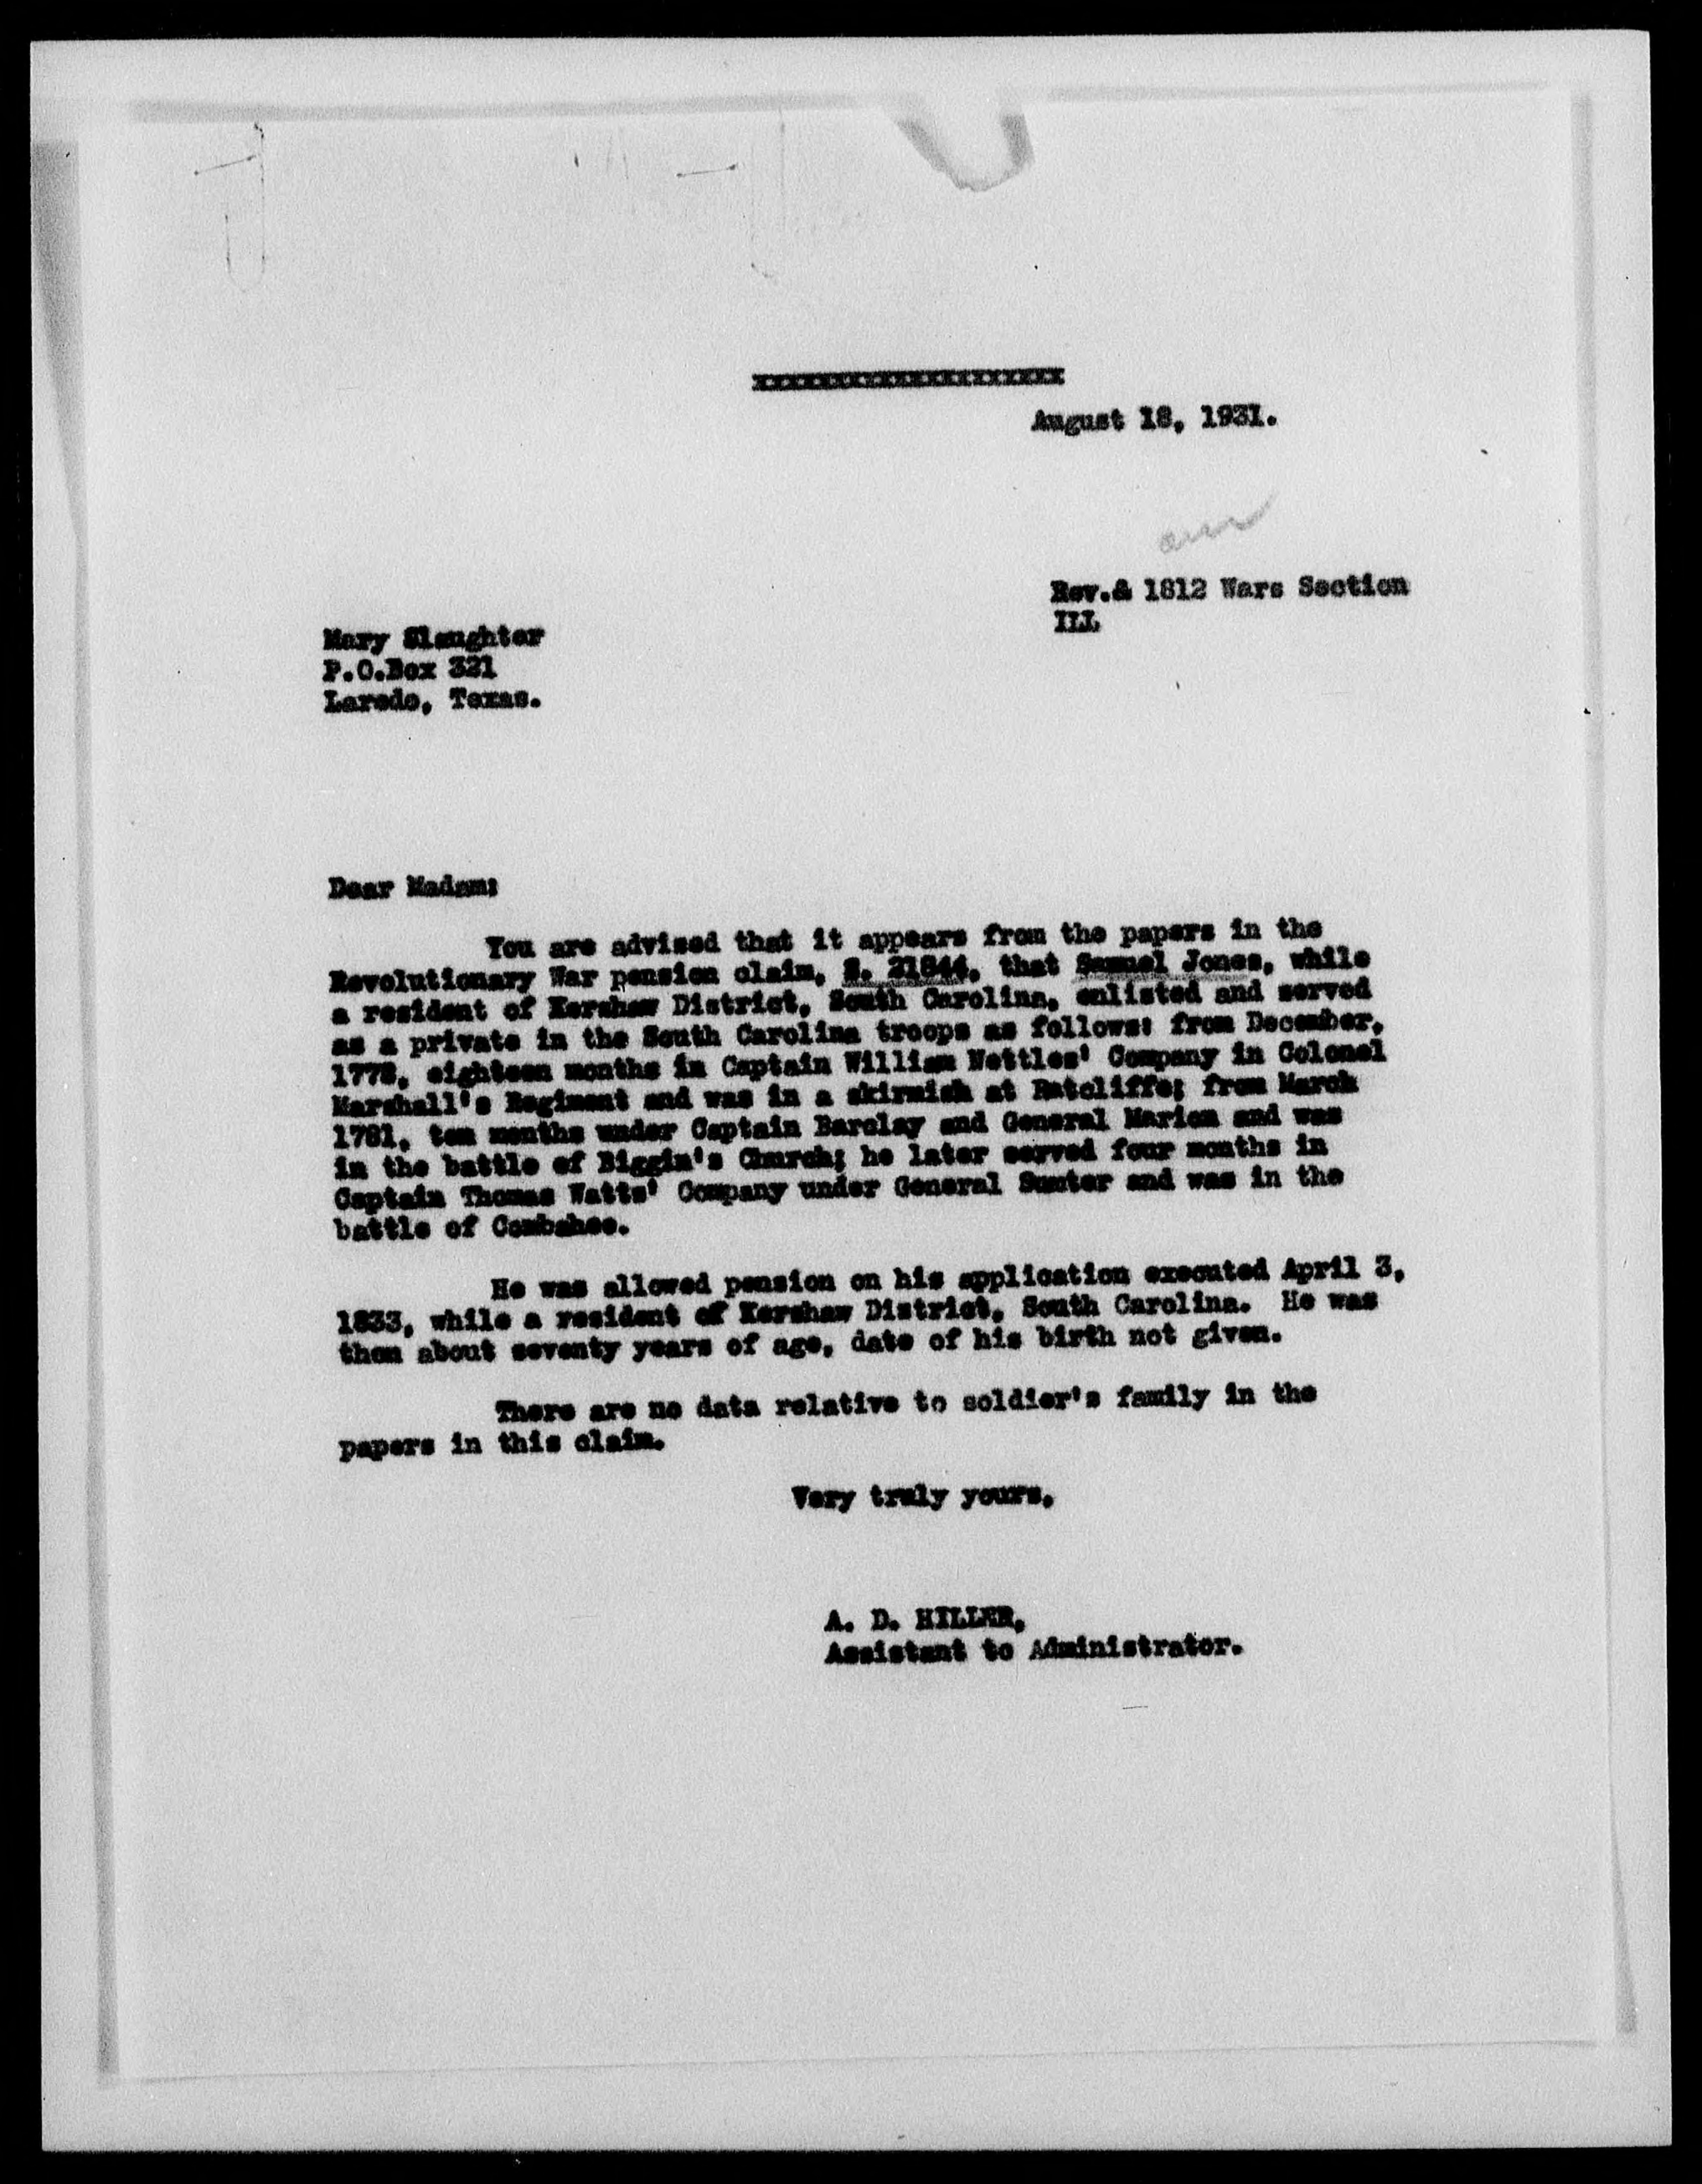August 18, 1931
Rev. 1912 Wars Section ILL

Mary Slaughter
P.O. Box 321
Laredo, Texas

Dear Madam
You are advised that it appears from the papers in the Revolutionary War pension claim, S. 21844, that Samuel Jones, while a resident of Kershaw District, South Carolina, enlisted and served as a private in the South Carolina troops as follows: from December 1776, eighteen months in Captain William Nettles' Company in Colonel Marshall's Regiment and was in a skirmish at Ratcliffe; from March 1781, ten months under Captain Barclay and General Marion and was in the battle of Biggin's Church he later served four months in Captain Thomas Watts' Company under General Sumter and was in the battle of Combahee.
He was allowed pension on his application executed April 3, 1833, while a resident of Kershaw District, South Carolina. He was then about seventy years of age, date of his birth not given.
There are no data relative to soldier's family in the papers in the claim.
Very truly yours,
A. D. Killmer
Assistant to Administrator.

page: 8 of 28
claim: survivor's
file: S. 21844, for Samuel Jones, South Carolina